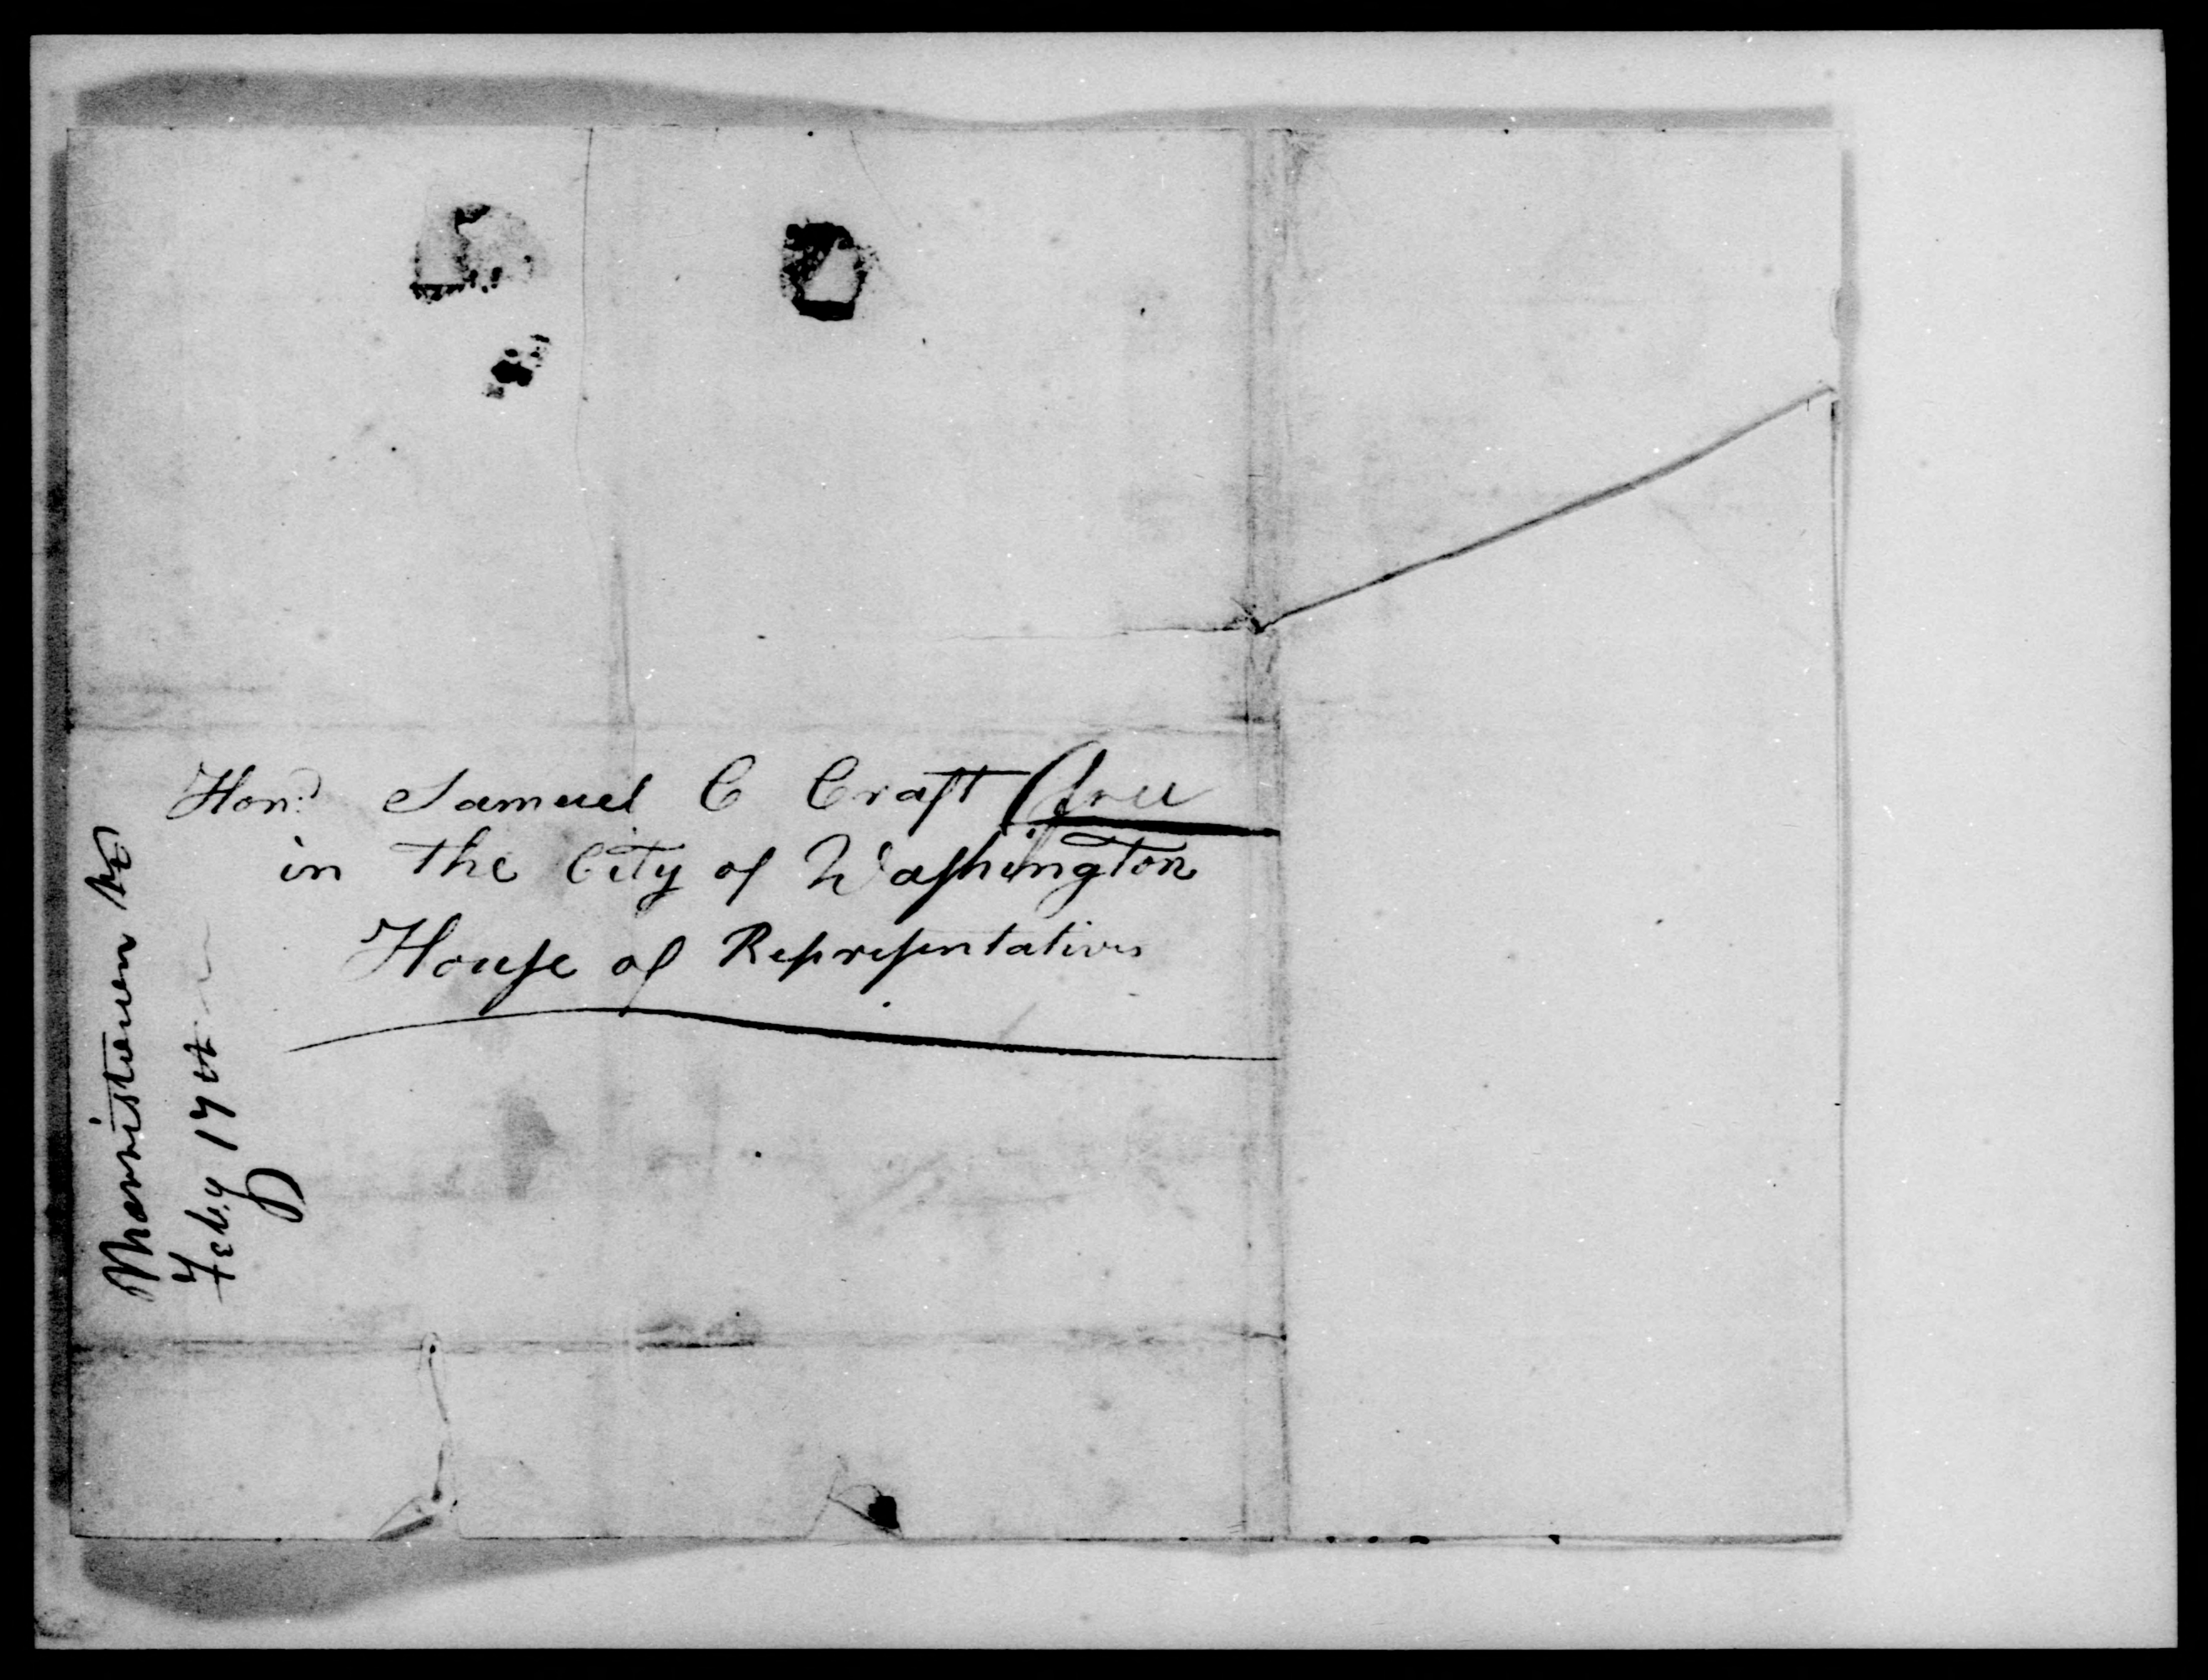Hon Samuel C Craft [?]
in the City of Washington
House of Representatives

Morristown, VT
Feby 17th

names: Samuel C Craft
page: 45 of 87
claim: widow's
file: W. 25,966, Moses Weld, Mass.